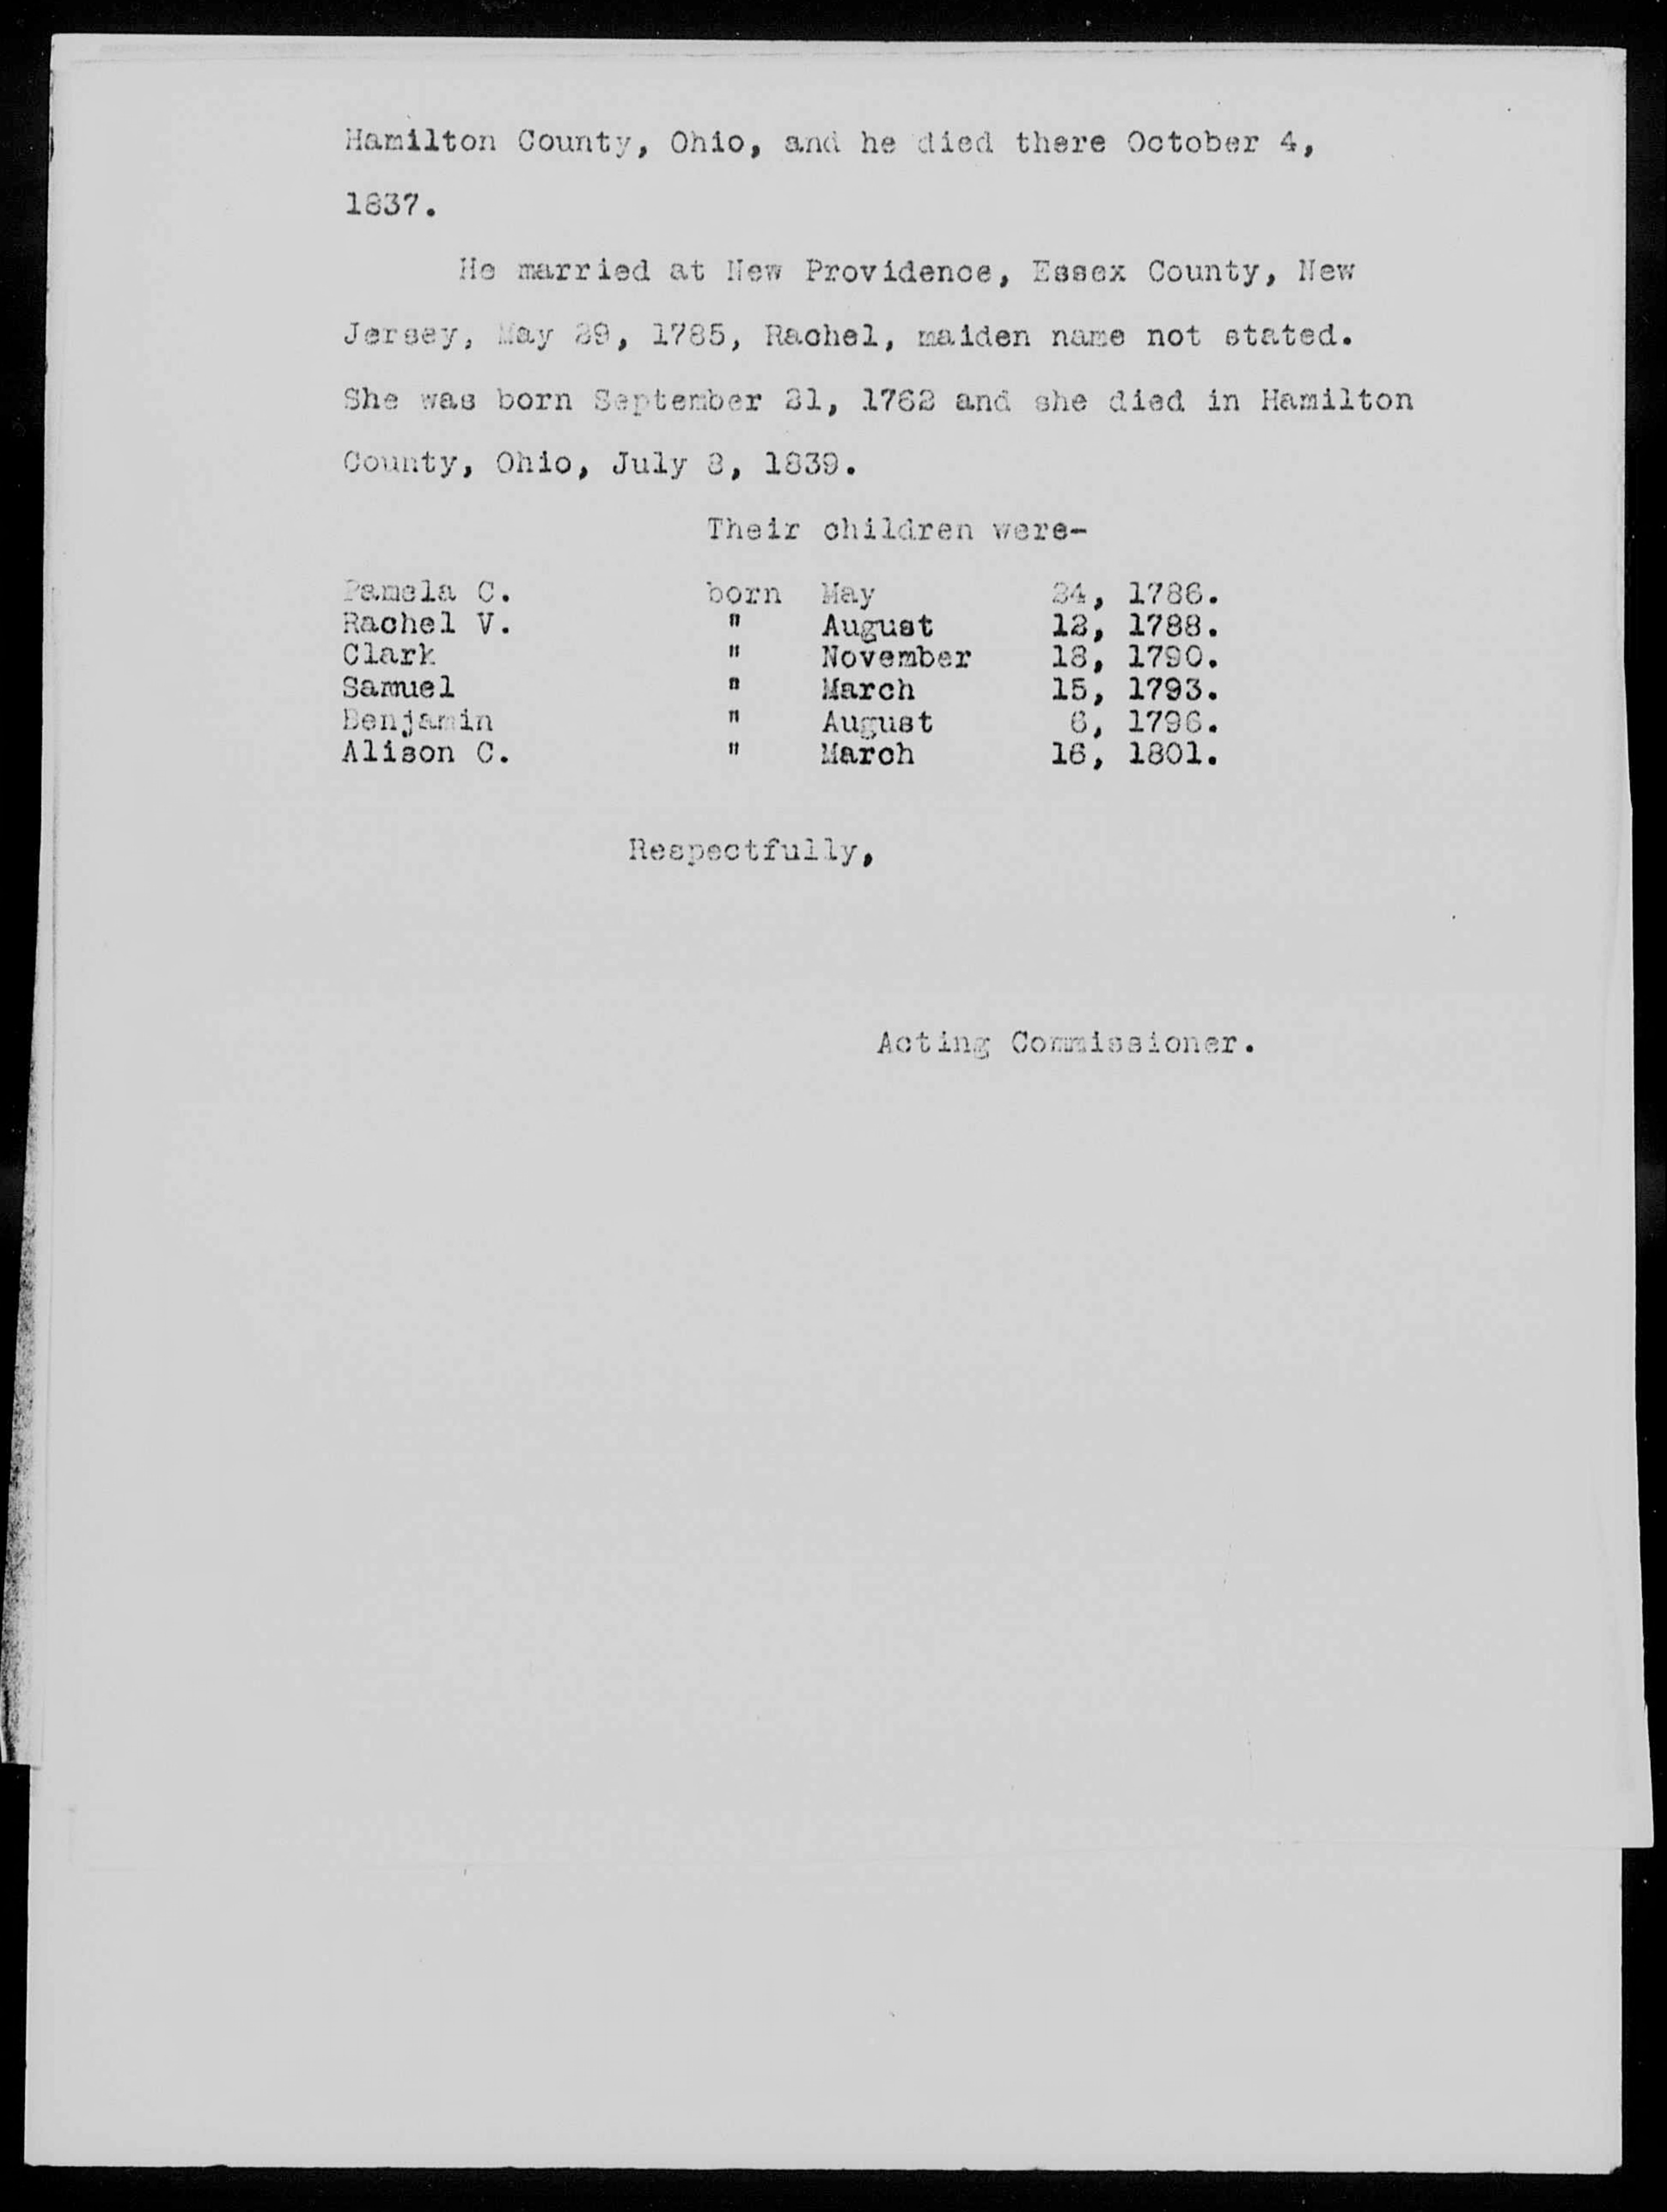Hamilton County, Ohio, and he died there October 4, 1837.
He married at New Providence, Essex County, New Jersey, May 29, 1785, Rachel, maiden name not stated.  She was born September 21, 1762 and she died in Hamilton County, Ohio, July 8, 1839.
Their children were-

Pamela C.         Born   May    24, 1786
Rachel V.            "       August 12, 1788
Clark                   "       November 18, 1790
Samuel               "       March 13, 1793                      
Benjamin            "       August 6, 1796
Alison C.             "        March   16, 1801    

Respectfully,


Acting Commissioner.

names: Clark, Rachel V, Benjamin, Alison C, Rachel, Samuel, Pamela C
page: 67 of 67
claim: rejected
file: R. 1009, Aaron Bonnel, New Jersey